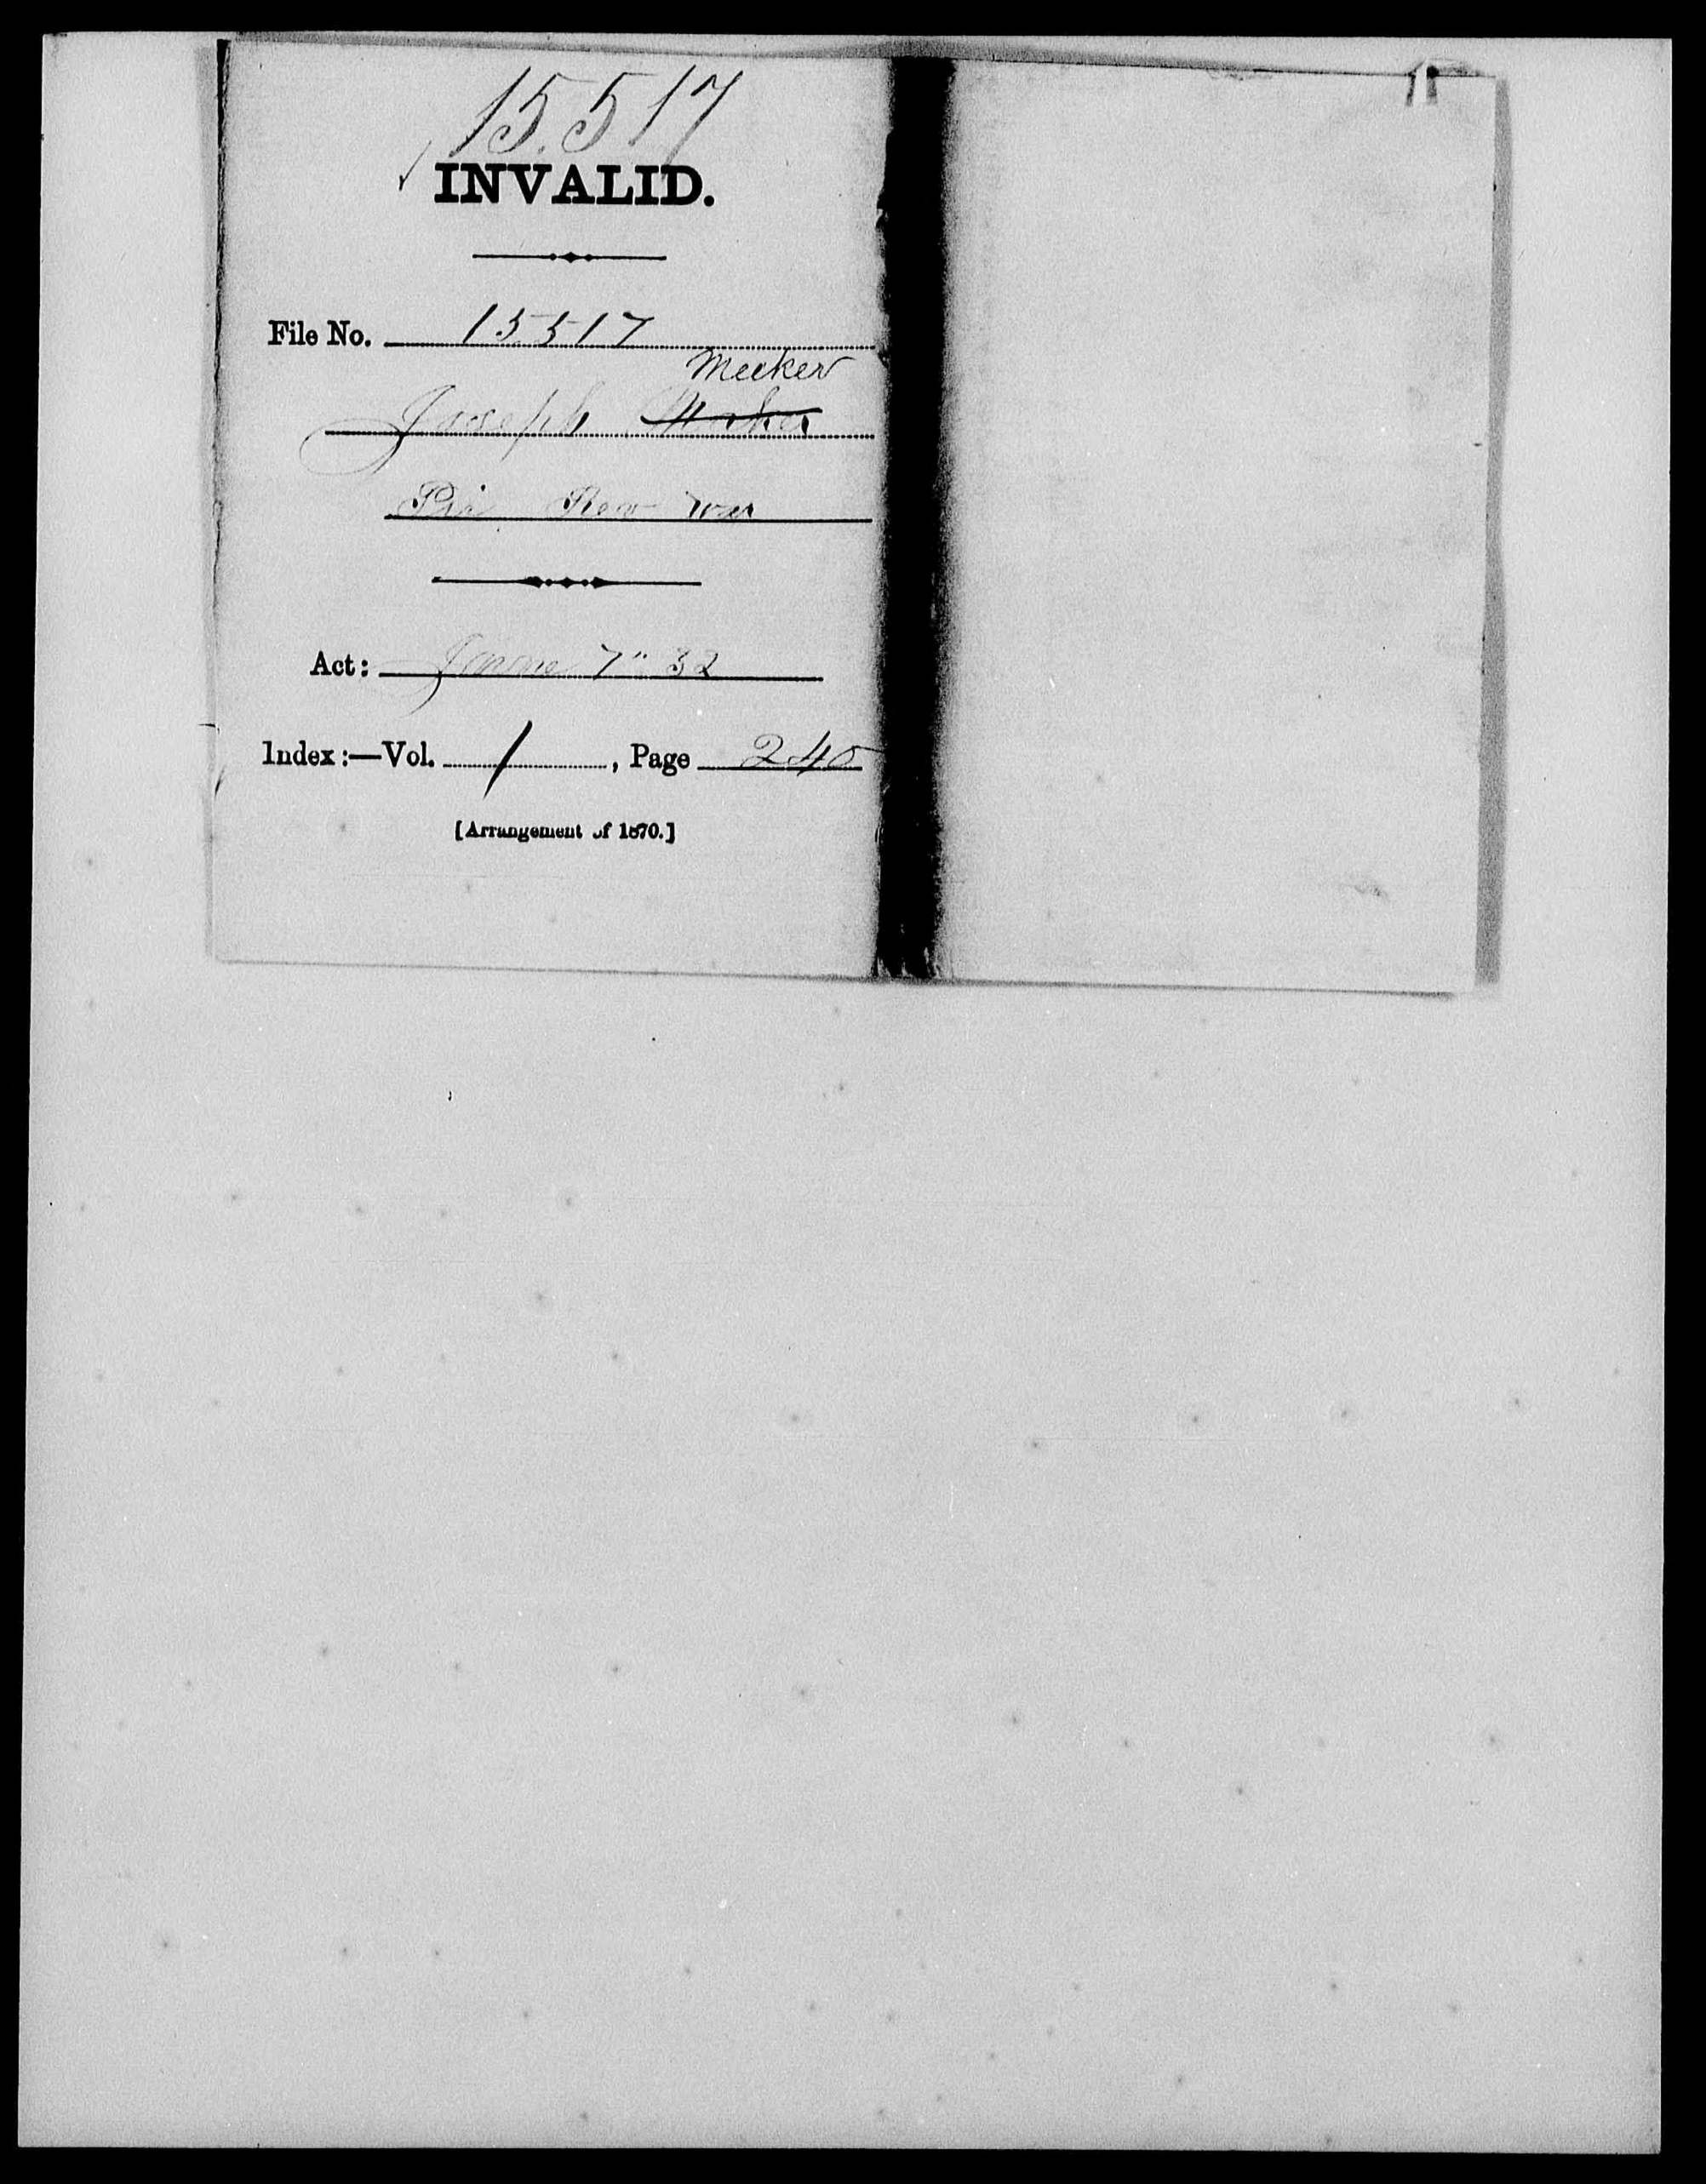15,517
INVALID

File No  15517
Joseph Meeker  {originally noted as Maker]
Pri Rev War
_____________--
Act:  June 7" 1832
Index:- Vol 1.  Page 245

[Arrangement of 1870.]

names: Joseph Meeker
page: 20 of 22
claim: survivor's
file: S. 15,517, for Joseph Meeker, Connecticut